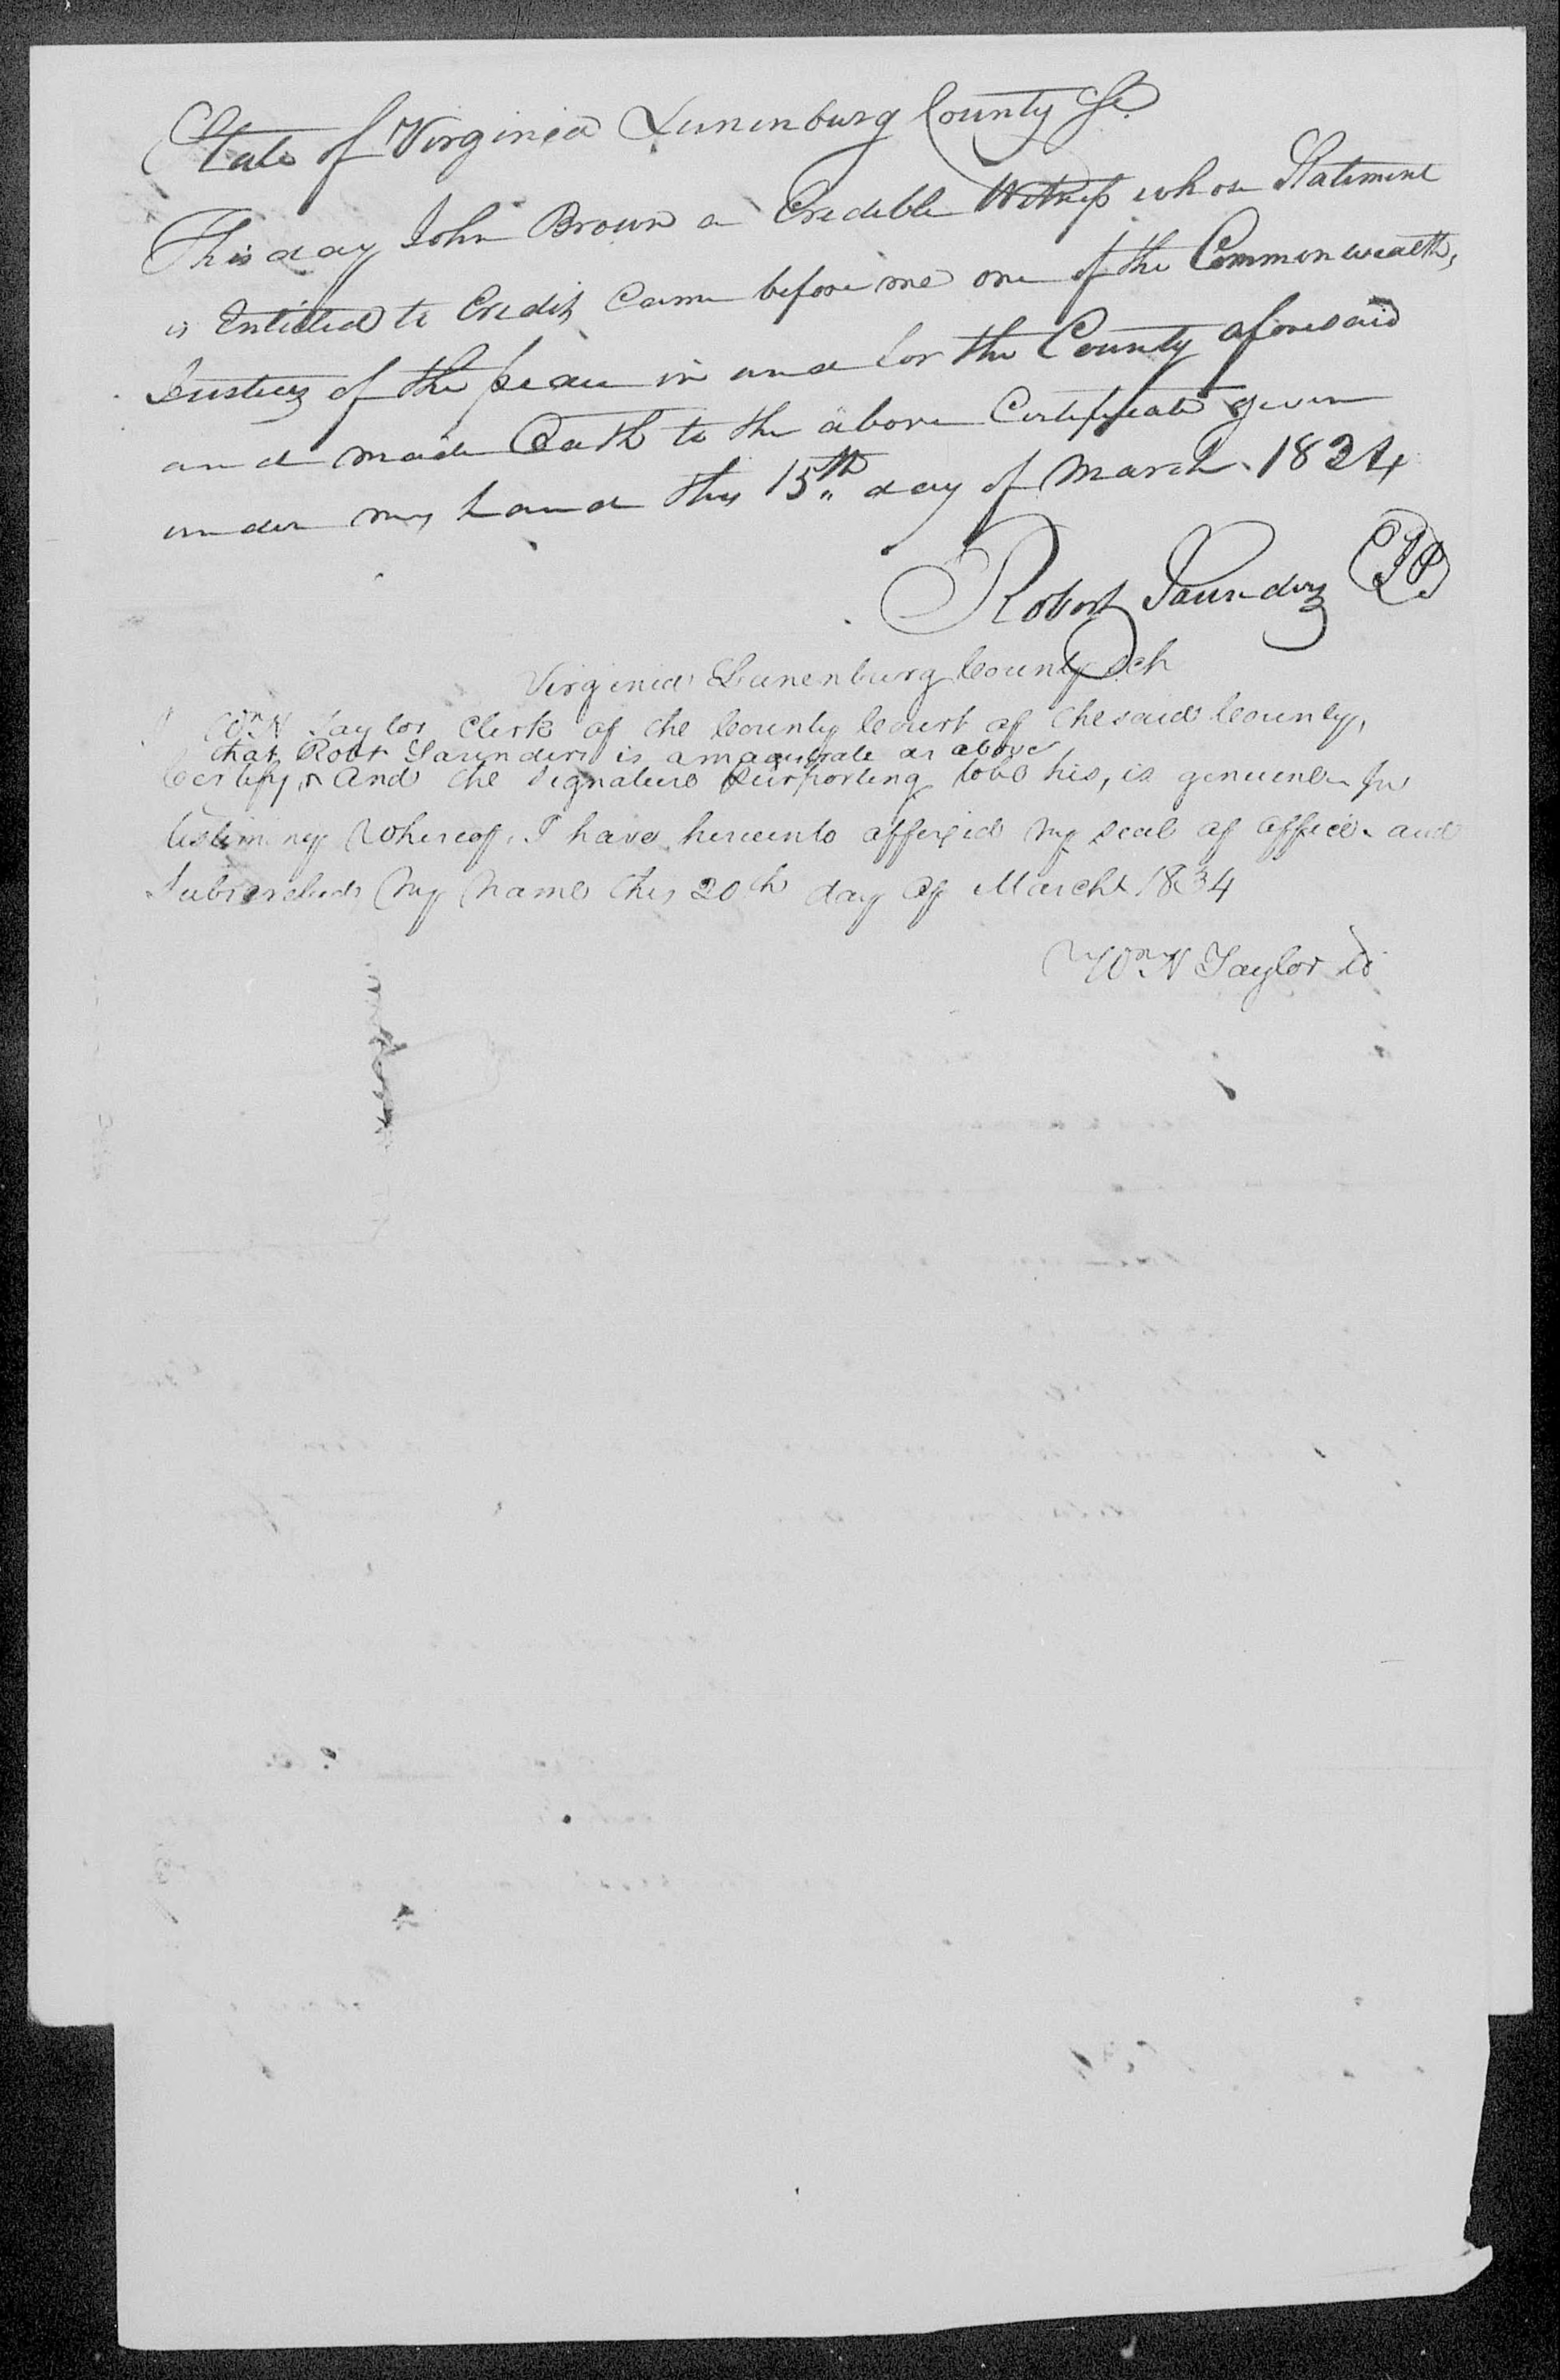State of Virginia Lunenburg County Ss.
This day John Brown a credible Witness whose statement, is entitled to Credit came before me one of the Commonwealth Justices of the peace in and for the County aforesaid and made oath to the above Certificate given under my hand this 15th day of March 1834
Robert Saunders {JP}

Virginia Lunenburg County Sct 
I Wm H Taylor Clerk of the County Court of the said County, certify that Robt Saunder is a magistrate as above and the signature purporting to be his, is genuine. In testimony Whereof, I have hereunto affixed my seal of office and Subscribed my name this 20th day of March 1834
Wm H Taylor clk [Clerk]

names: Robert Saunders, Wm H Taylor, Wm H Taylor, Robt Saunders, John Brown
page: 19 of 19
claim: widow's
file: W. 2517, William Bragg, Va.